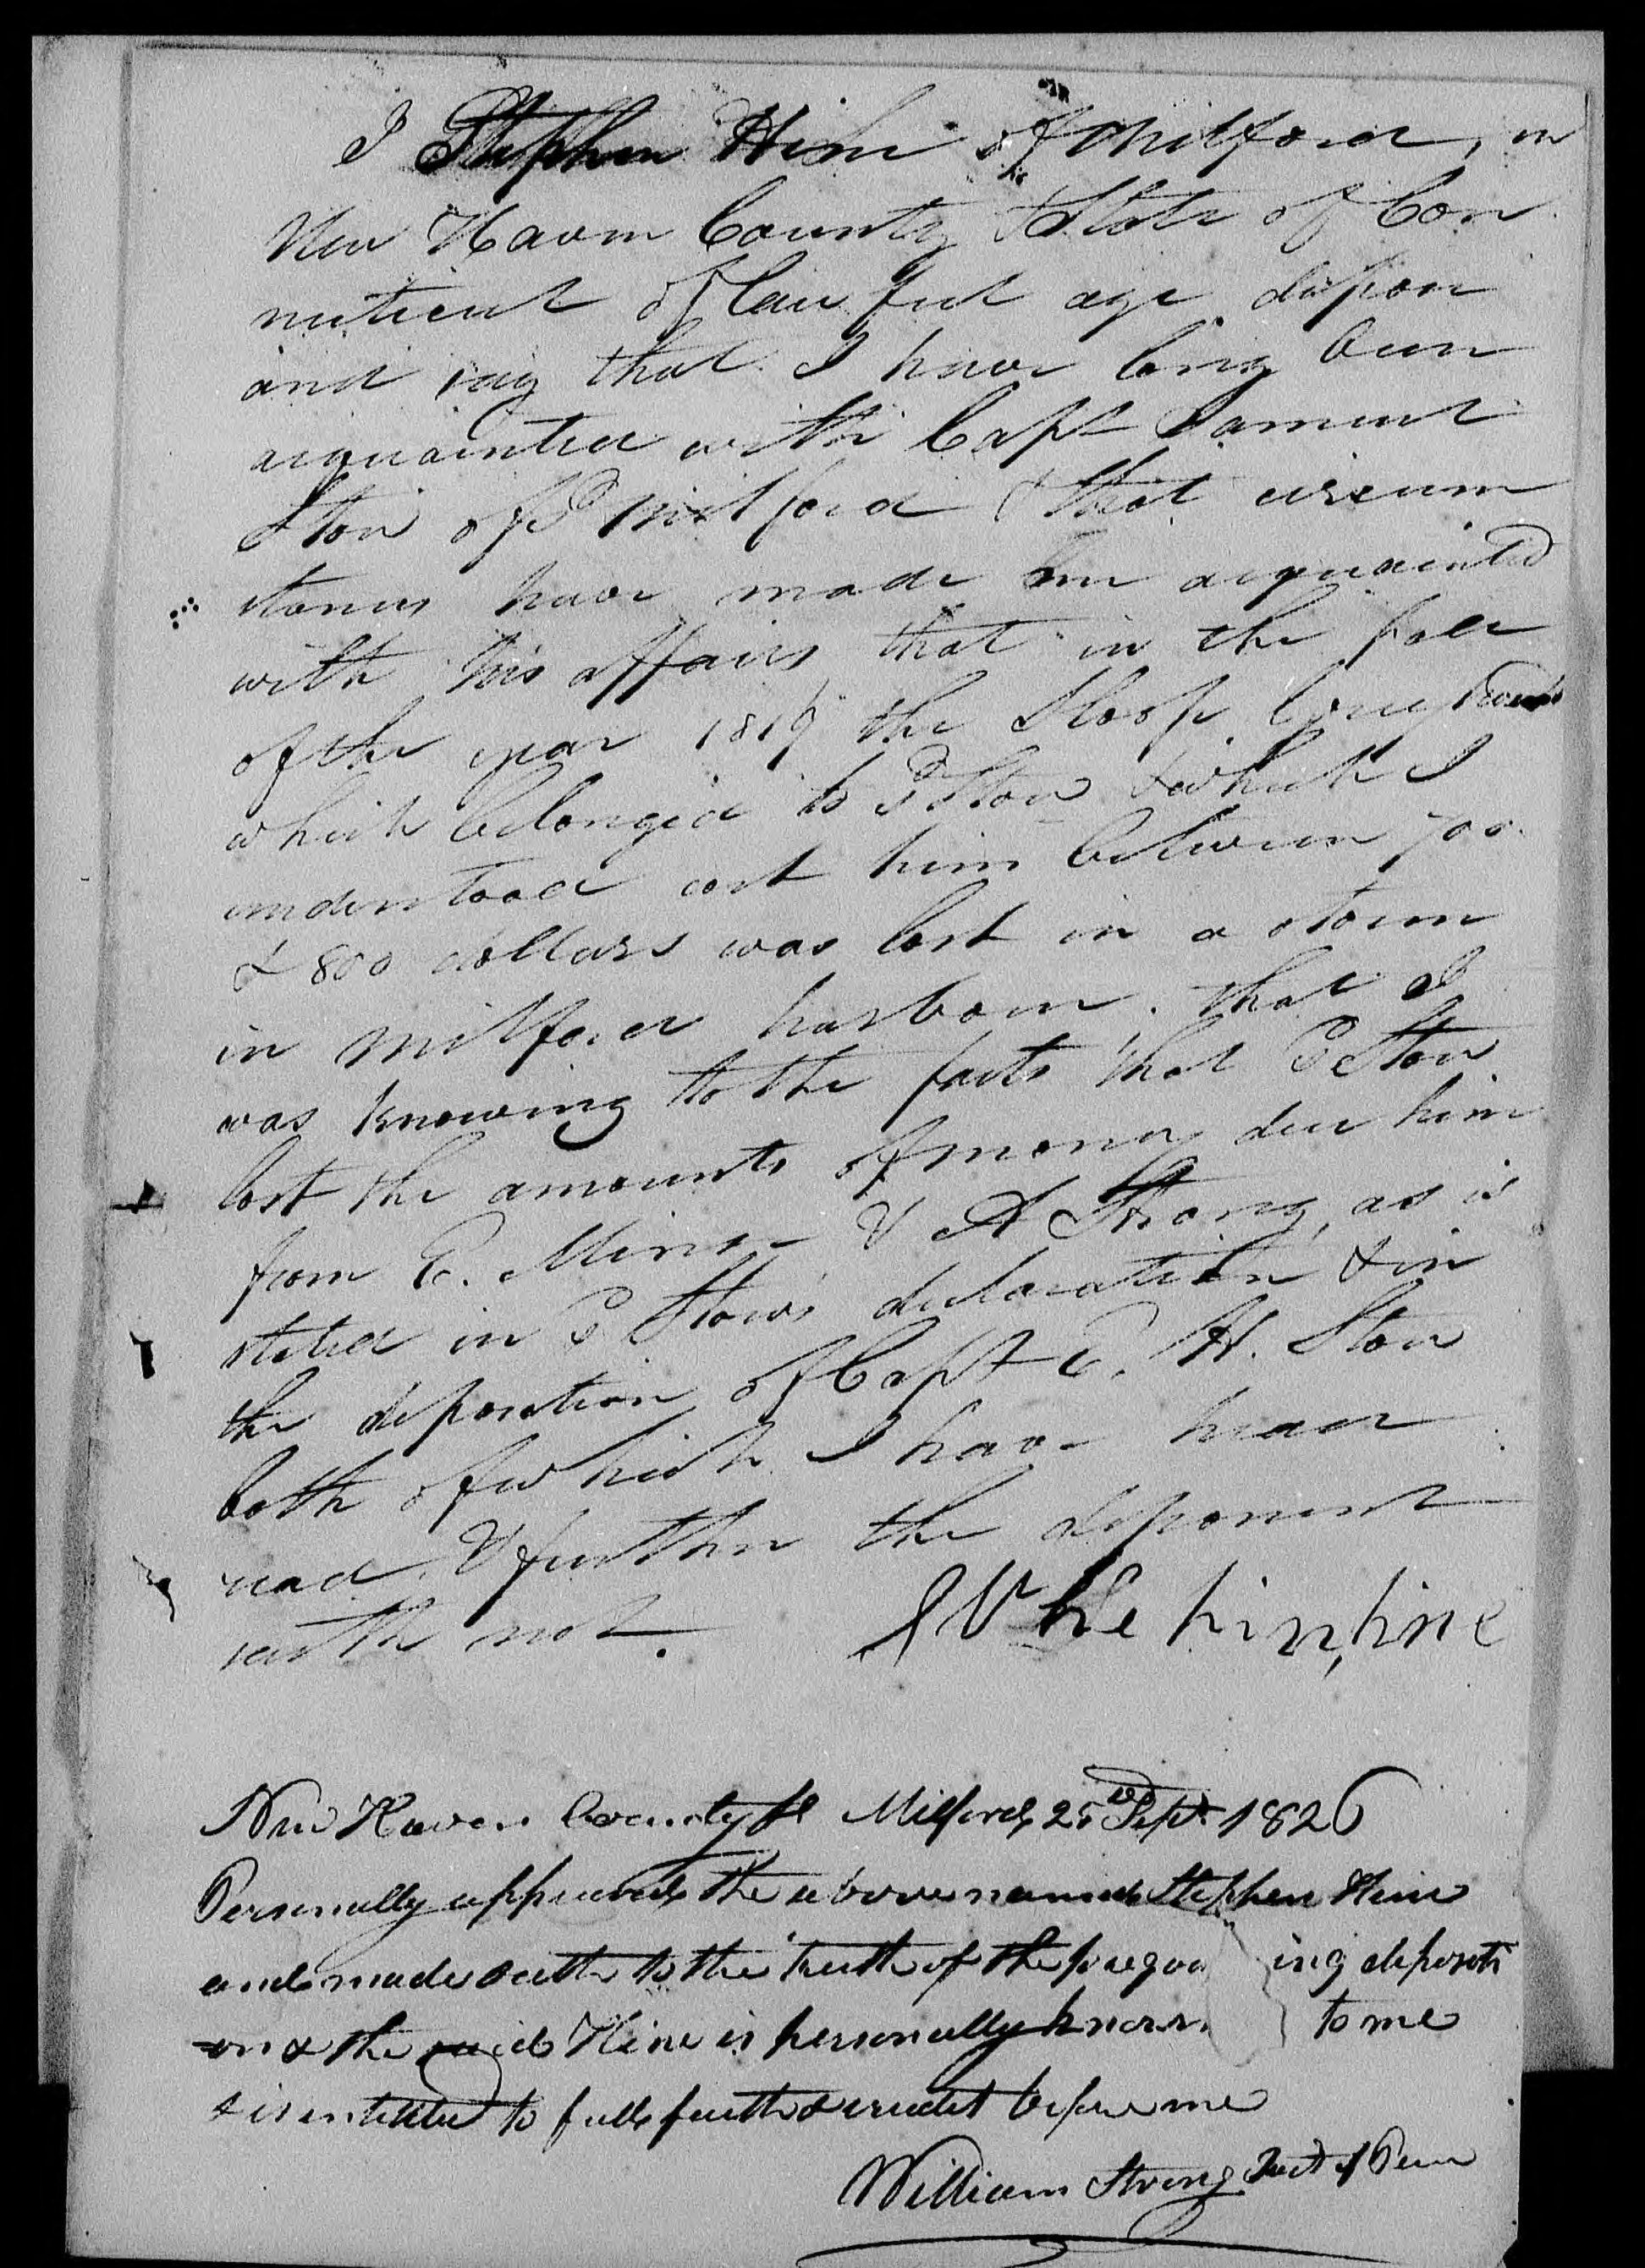I, Stephen Hine of Milford, in New Haven County, State of Connecticut, of legal age, depose and say that I have long been
acquainted with Capt Samuel Stow of Milford that circumstances have made me acquainted with his affairs; that in the fall of the year 1819 the Sloop "Greyhound" which belonged to Stow & which I understood cost him between 700 & 800 dollars was lost in a storm in Milford harbor; that I was knowing to the facts that said Stow lost the amounts of money due him from E. Minor & A. Strong, as is stated in said Stow's declaration & in the deposition of Capt E.H. Stow, both of which I have heard read & further the deponent saith not.
[signed} Stephen Hine

New Haven County} ss: Milford 25 Sept 1826
Personally appeared the above named Stephen Hine and made oath to the truth of the foregoing deposition & the said Hine is personally known to me & is entitled to full faith & credit before me.
William Strong Just. of Peace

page: 35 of 42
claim: survivor's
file: S. 36,819, for Samuel Stow, Connecticut